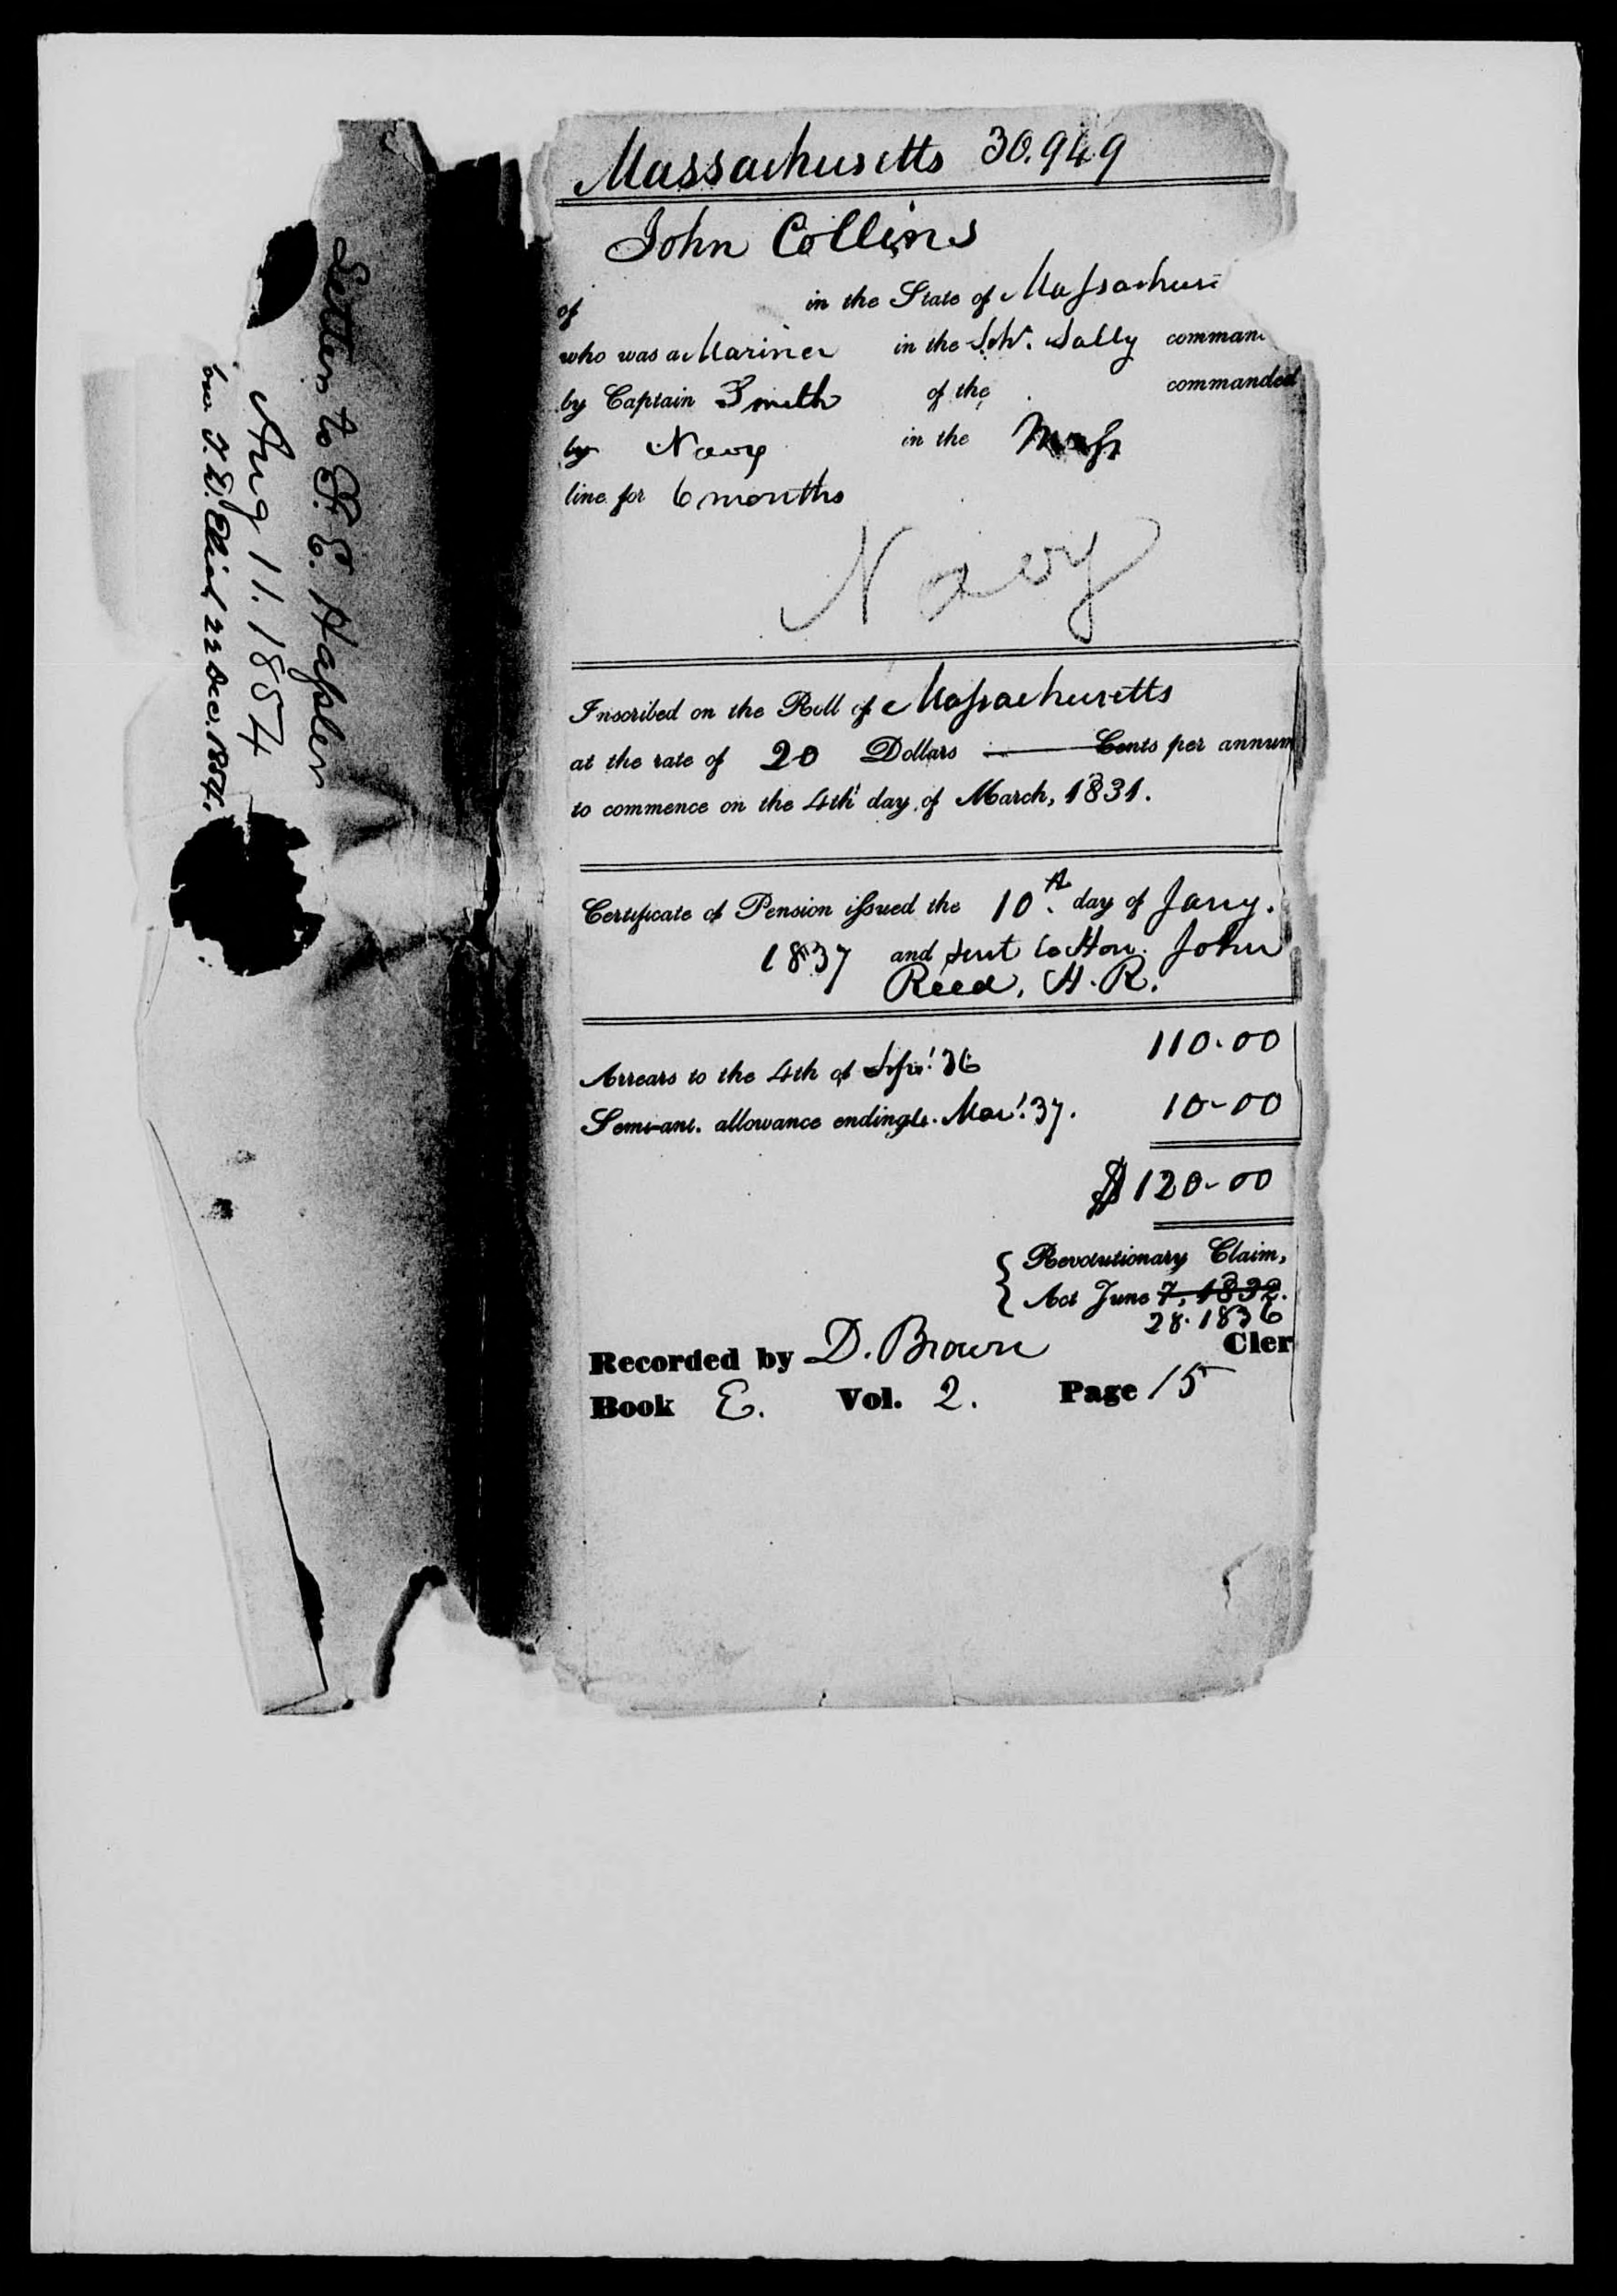[Left side of page: Text handwritten perpendicular to right side text]
Letter to F E Hassler
Aug 11, 1854
[Text missing] T D Eliah 22 Decr. 1854.

[Right side of page:] 
Massachusetts 30.949
John Collins of --  in the State of Massachusetts [text missing]
who was a Mariner in the John Sally command[ed] by Captain Smith of the
commanded by Navy in the Mass.
line for 6 months
Navy [handwritten note]
Inscribed on the Roll of Massachusetts
at the rate of 20 Dollars - Cents per annum
to commence on the 4th day of March, 1831.
Certificate of Pension issued the 10th day of Jany.  1837 and sent to Hon. John Reed, H. R.
Arrears to the 4th of July. '36  110.00
Semi-an. allowance ending Mar. '37  10.00
__________
$120.00
Revolutionary Claim,
Act June [stuck through 7, 1832.] 28, 1836
Recorded by D. Brown Clerk
Book E. Vol. 2. Page 15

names: T D Eliah, Smith, John Collins, D Brown, F E Hassler, John Reed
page: 2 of 43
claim: survivor's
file: S. 29,732, John Collins, Mass. Navy